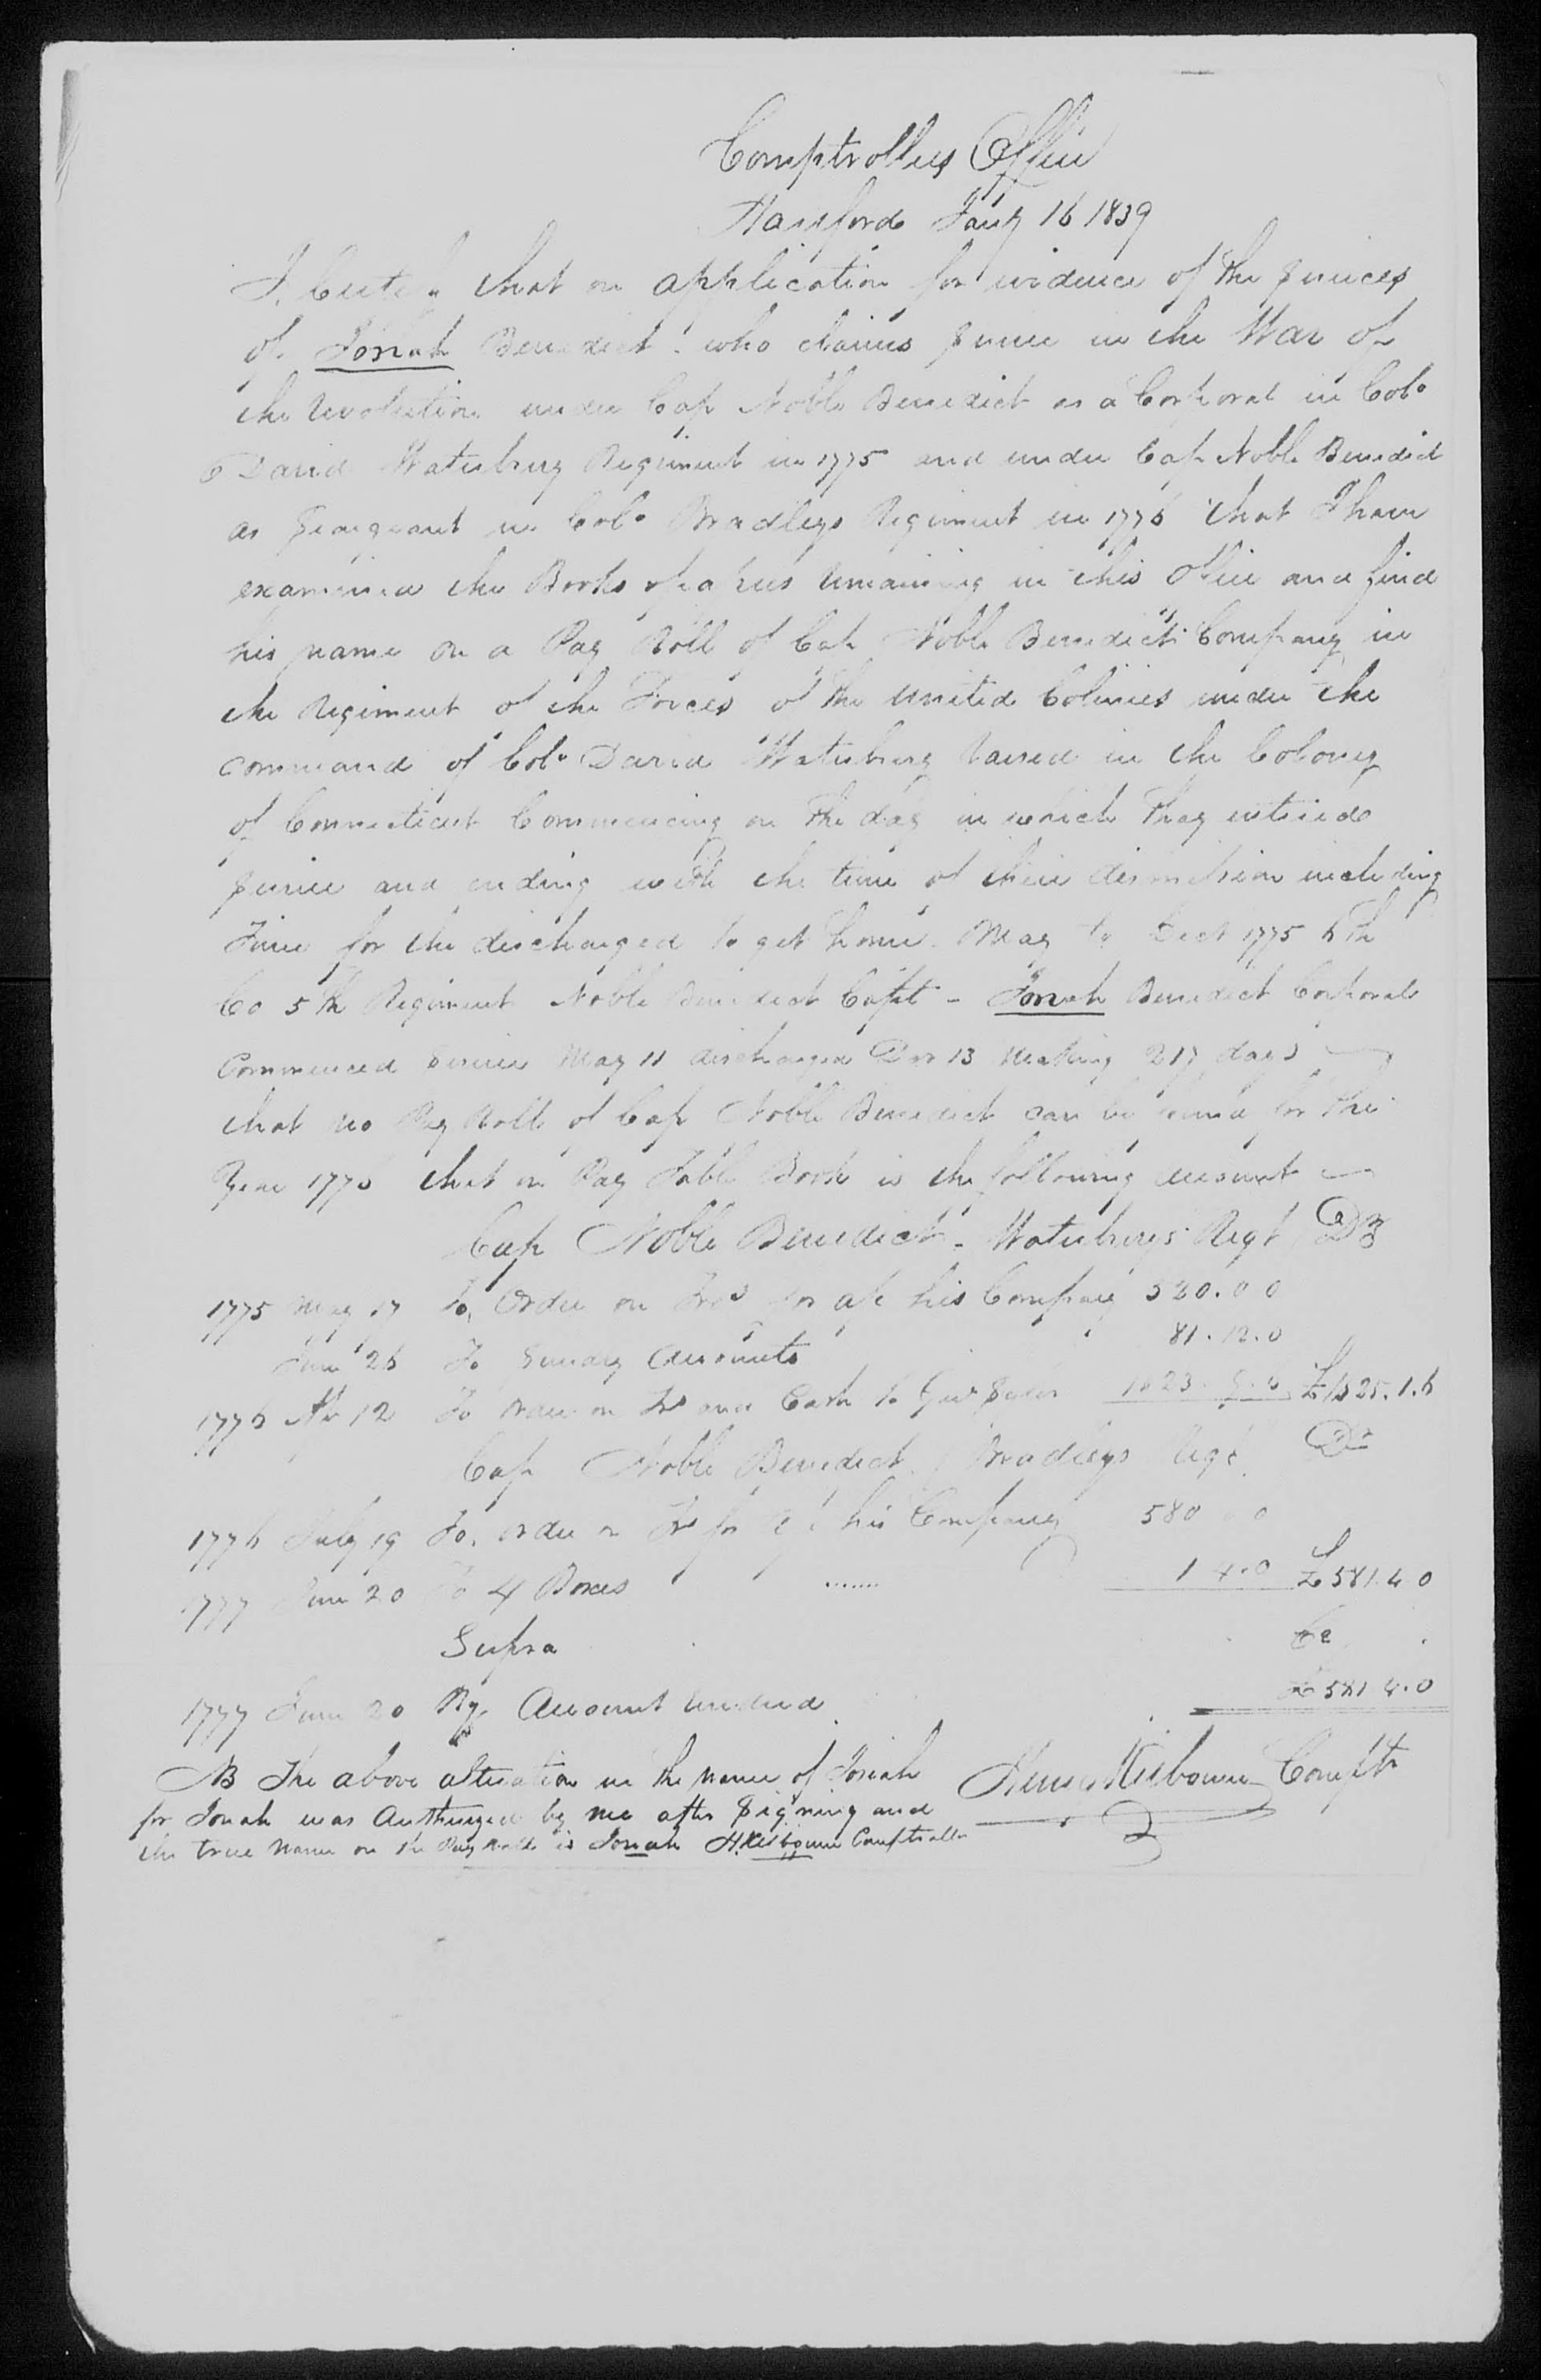Comptrollers Office
Hartford Jany 16 1839

Cute, that an application for evidence of the services
of Jonah Benedict who claims service in the War of
the revolution under Cap Noble Benedict as a Corporal in Col
david Waterbury Regiment in 1775 and under Cap Noble Benedict
as Seargeant in Col. Bradleys Regiment in 1778 that I have
examined the Books & papers remaining in this office and find
his name on a Pay Roll of Cap Noble Benedict Company in
the regiment of the Forces of the United Colonies under the
command of Col David Waterbury raised in the Colony
of Connecticut Commencing on the day in which they entered
service and ending with the time of their dismission including
time for the discharged to get home May to Sept 1775 5th
Co 5th Regiment Noble Benedict Capt Jonah Benedict Corporal
commenced service May 11 discharged Dec 13  Making 217 days
that no Pay Roll of Cap Noble Benedict can be found for the
year 1770 that on Pay Table Book is the following sentence
            Cap Noble Benedict Watchers Regt  Dz
1775 May 17 to Order on ??? a/c  his Compan      520.00
      Jan '25 To sundry accounts                                 81.12.0
1770 Apr 12 to ac in hand Cash                             1023.15  £1635.1.6
                 Cap Noble Benedict Bradleys Reg
1776 July 19 To Order his company       580.0
1777 Jun 20 24 Boxes                                 1.40                     £581.4.0
                 Supra
1777 Jun 20 By, Account rendered                                         £581.4.0

NB The above alteration in the name of Jinah
for Jonah was authorized by me after signing and
 in true name on the pay roll is Jonah H.Kilbourn Comptroller                                                 
                                            Henry Kilbourn Comtl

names: Noble Benedict, Jonah, Noble Benedict, Jonah Benedict, Noble Benedict, Jonah, Noble Benedict, H Kilbourn, Henry Kilbourn, Jonah, David Waterbury, Noble Benedict, Jonah, Noble Benedict, Noble Benedict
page: 26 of 56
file: [ILLEGIBLE], Jonah Benedict, Conn.